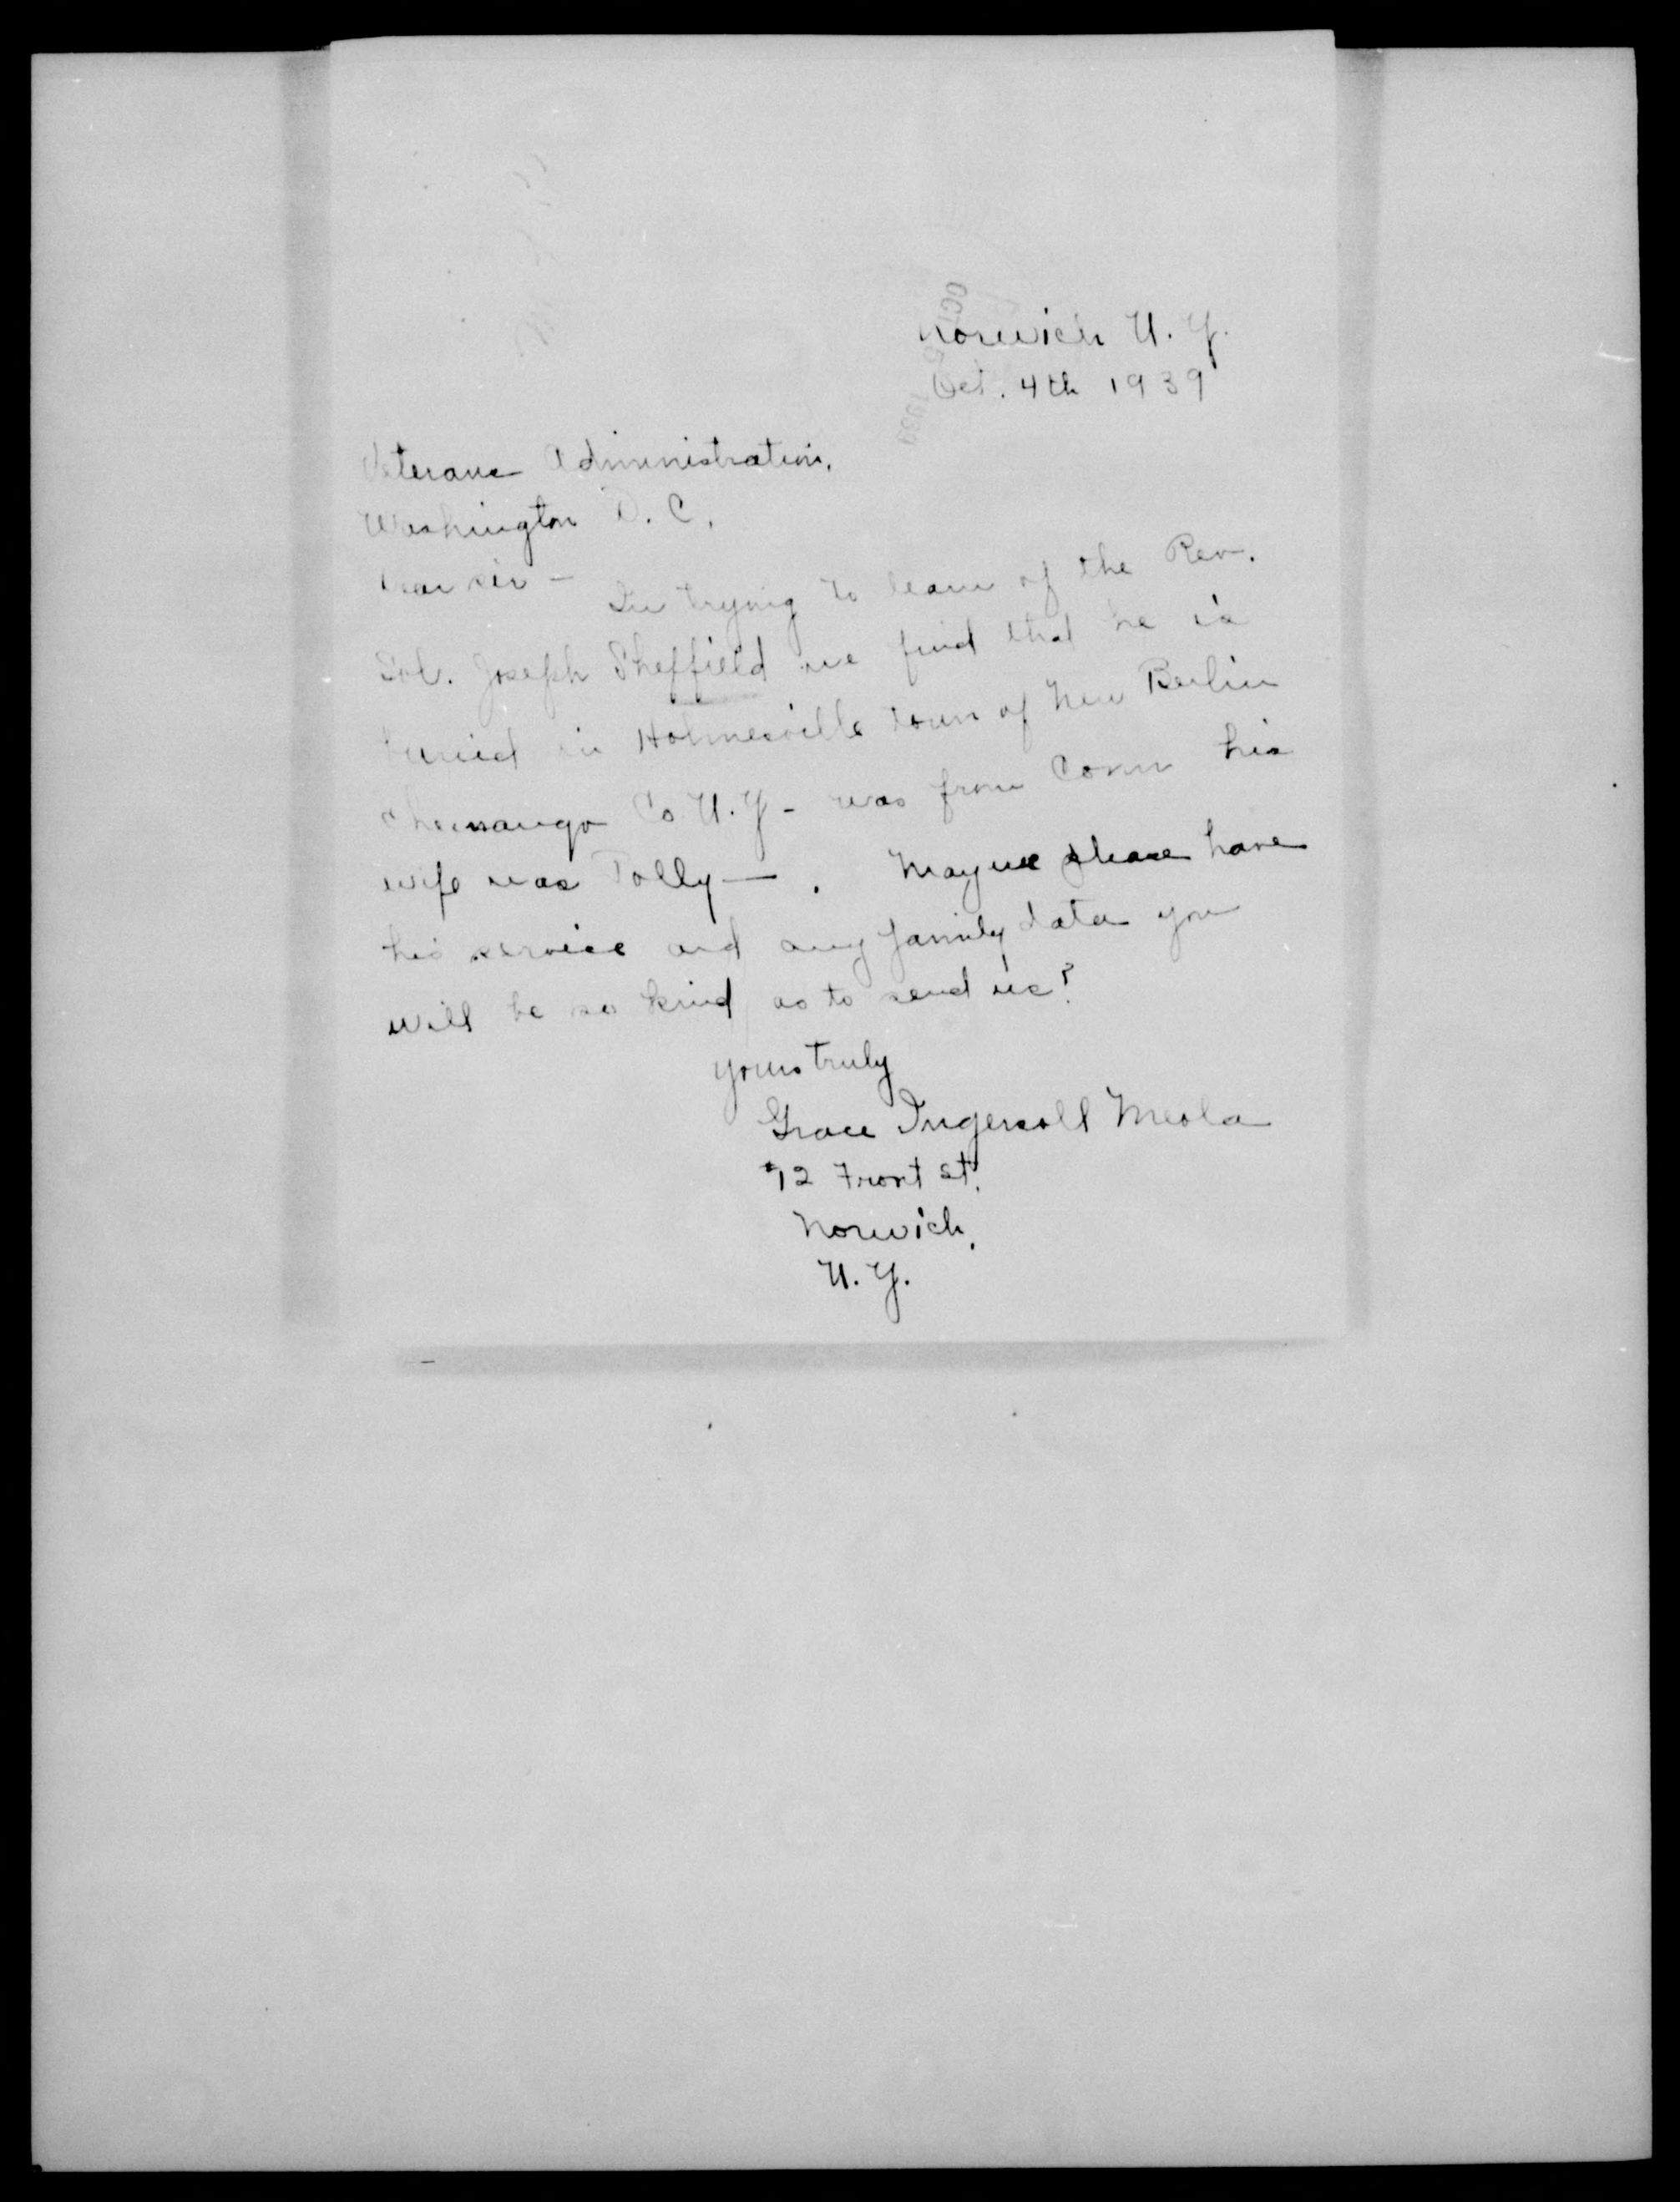Norwich N.Y.
Oct 4th 1939

Veterans Administration
Washington D.C
Dear Sir
I'm trying to learn of the Rev.
Sol. Joseph Sheffield we
find that that he is
buried in Holmesville town of New
Berlin Chataqua Co. NY - was from Connt
his wife was Polly - May we please have
his service and any family data you
will be so kind as to render
Yours truly
Grace Ingersoll Meola
12 Front St
Norwich
N. Y.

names: Joseph Sheffield; Grace Ingersoll Meola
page: 18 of 25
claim: survivor's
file: S. 42,272, for Joseph Sheffield, Connecticut